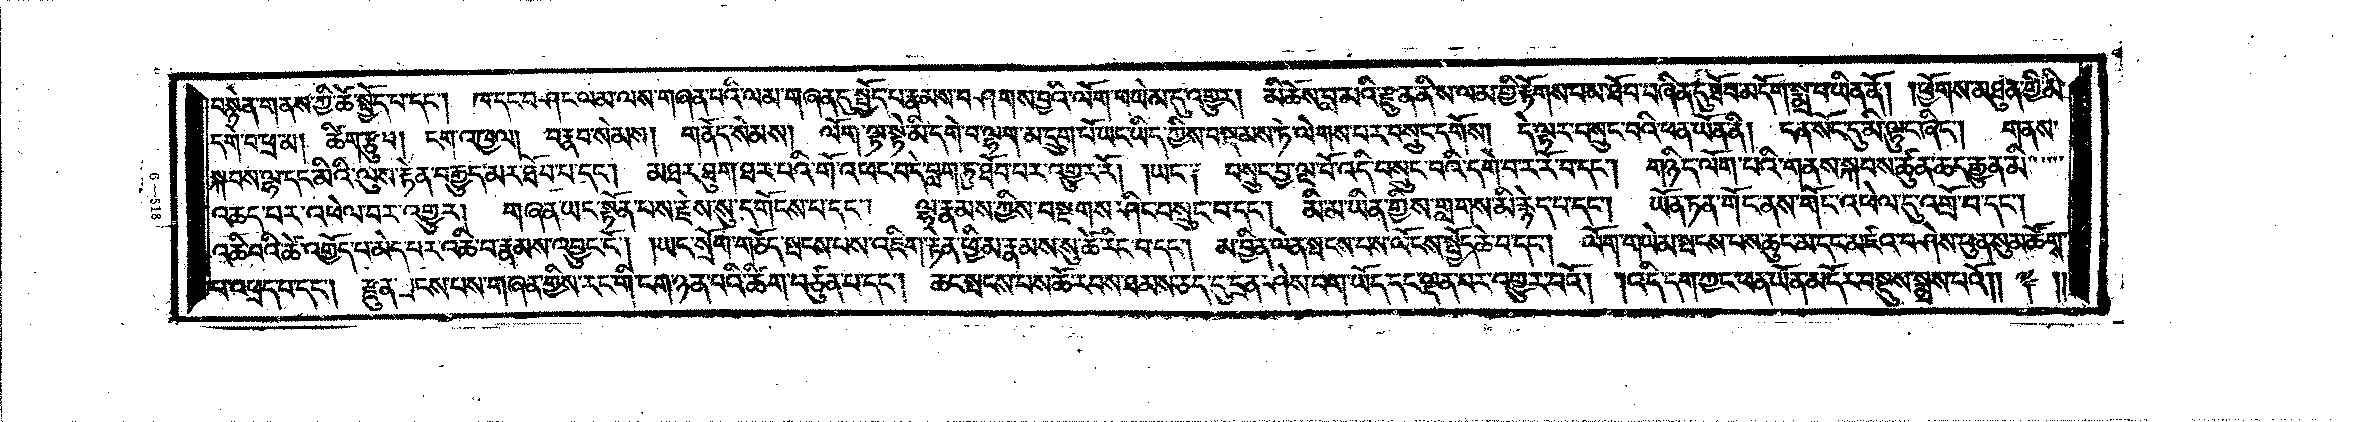བསྙེན་གནས་ཀྱི་ཚེ་སྤྱོད་པ་དང་། ཁ་དང་བཤད་ལམ་ལས་གཞན་པའི་ལམ་གཞན་དུ་སྤྱོད་པ་རྣམས་བཤགས་བྱའི་ལོག་གཡེམ་དུ་འགྱུར། མི་ཆོས་བླ་མའི་རྫུན་ནི་ས་ལམ་གྱི་རྟོགས་བམ་ཐོབ་བཞིན་དུ་ཐོབ་མདོག་སྨྲ་བ་ཡིན་ནོ། །ཕྱོགས་མཐུན་གྱི་མི་
དགེ་བ་ཕྲ་མ། ཚིག་རྩུབ། ངག་འཁྱལ། བརྣབ་སེམས། གནོད་སེམས། ལོག་ལྟ་སྟེ་མི་དགེ་བ་ལྷག་མ་དྲུག་པོ་ཡང་ཡིད་ཀྱིས་བསྡམས་ཏེ་ལེགས་པར་བསྲུང་དགོས། དེ་ལྟར་བསྲུང་བའི་ཕན་ཡོན་ནི། ངན་སོང་དུ་མི་ལྟུང་ཞིང་། གནས་
སྐབས་ལྷ་དང་མིའི་ལུས་རྟེན་བརྒྱུད་མར་ཐོབ་པ་དང་། མཐར་ཐུག་ཐར་བའི་གོ་འཕང་བདེ་བླག་ཏུ་ཐོབ་པར་འགྱུར་རོ། །ཡང༑ བསྲུང་བྱ་ལྔ་པོ་འདི་བསྲུང་བའི་དགེ་བར་རོ་བ་དང་། གཉིད་ལོག་པའི་གནས་སྐབས་ཚུན་ཆད་རྒྱུན་མི་
འཆད་པར་འཕེལ་བར་འགྱུར། གཞན་ཡང་སྟོན་པས་རྗེས་སུ་དགོངས་པ་དང་། ལྷ་རྣམས་ཀྱིས་བསྔགས་ཤིང་བསྲུང་བ་དང་། མི་མ་ཡིན་གྱིས་གླགས་མི་རྙེད་པ་དང་། ཡོན་ཏན་གོང་ནས་གོང་འཕེལ་དུ་འགྲོ་བ་དང་།
འཆི་བའི་ཚེ་འགྱོད་པ་མེད་པར་འཆི་བ་རྣམས་འབྱུང་ངོ། །ཡང་སྲོག་གཅོད་སྤངས་པས་འཇིག་རྟེན་ཕྱི་མ་རྣམས་སུ་ཚེ་རིང་བ་དང་། མ་བྱིན་ལེན་སྤངས་བས་ལོངས་སྤྱོད་ཆེ་བ་དང་། ལོག་གཡེམ་སྤངས་པས་ཆུང་མ་དང་མཛའ་བཤེས་ཕུན་སུམ་ཚོགས་
པ་འཕྲད་པ་དང་། རྫུན་སྤངས་པས་གཞན་གྱིས་རང་གི་ངག་ཉན་པའི་ཚིག་བཙུན་པ་དང་། ཆང་སྤངས་པས་ཚེ་རབས་ཐམས་ཅད་དུ་དྲན་ཤེས་བག་ཡོད་དང་ལྡན་པར་འགྱུར་བའོ། །འདི་དག་ཀྱང་ཕན་ཡོན་མདོར་བསྡུས་སྨྲས་བའོ།། ༈ །།